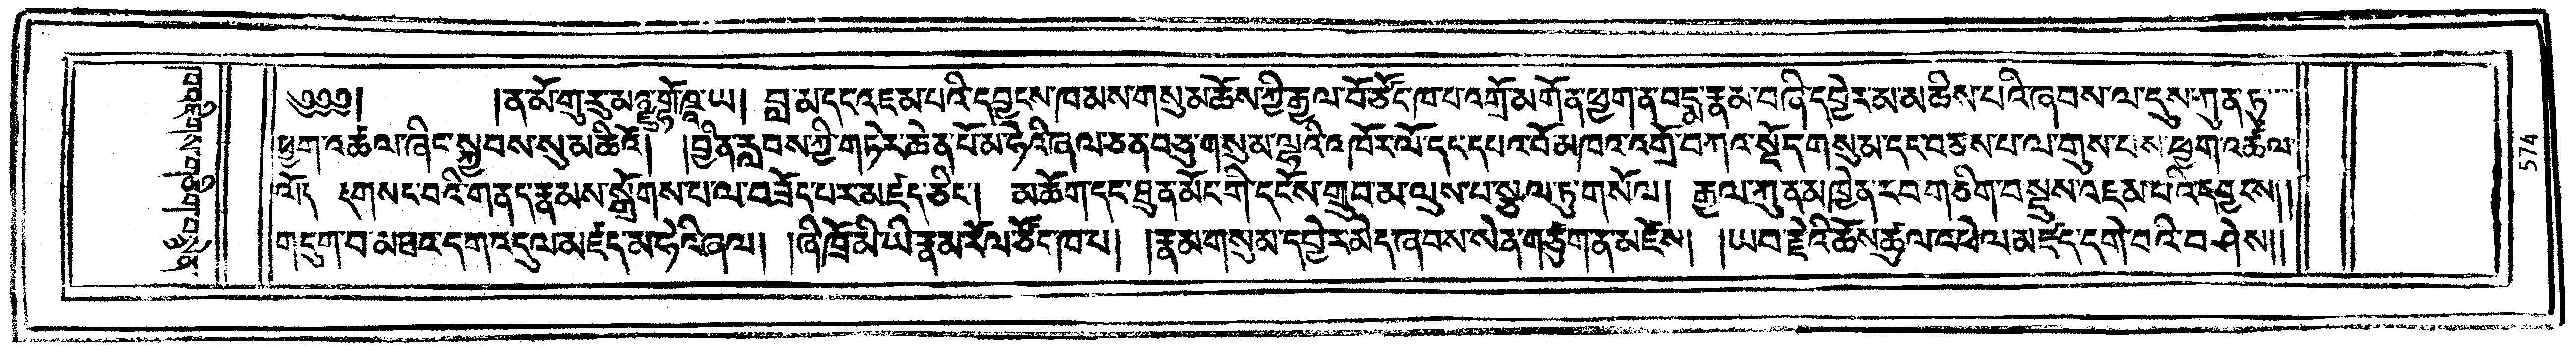༄༅༅། །ན་མོ་གུ་རུ་མཉྫུ་གྷོ་ཥཱ་ཡ། བླ་མ་དང་འཇམ་པའི་དབྱངས་ཁམས་གསུམ་ཆོས་ཀྱི་རྒྱལ་པོ་ཙོང་ཁ་པ་འགྲོ་མགོན་ཕྱག་ན་པདམ་རྣམ་བཞི་དབྱེར་མ་མཆིས་པའི་ཞབས་ལ་དུས་ཀུན་ཏུ་
ཕྱག་འཚལ་ཞིང་སྐྱབས་སུ་མཆིའོ། །བྱིན་རླབས་ཀྱི་གཏེར་ཆེན་པོ་མ་ཧེའི་ཞལ་ཅན་བཅུ་གསུམ་ལྷའི་འཁོར་ལོ་དང་དཔའ་བོ་མཁའ་འགྲོ་བཀའ་སྡོད་གསུམ་དང་བཅས་པ་ལ་གུས་པས་ཕྱག་འཚལ་
ལོ༑ ༑གསང་བའི་གནད་རྣམས་སྒྲོགས་པ་ལ་བཟོད་པར་མཛད་ཅིང་། མཆོག་དང་ཐུན་མོང་གི་དངོས་གྲུབ་མ་ལུས་པ་སྩལ་ཏུ་གསོལ། རྒྱལ་ཀུན་མཁྱེན་རབ་གཅིག་བསྡུས་འཇམ་པའི་དབྱངས།།
གདུག་བ་མཐའ་དག་འདུལ་མཛད་མ་ཧེའི་ཞལ། །ཞི་ཁྲོ་མི་ཡི་རྣམ་རོལ་ཙོང་ཁ་པ། །རྣམ་གསུམ་དབྱེར་མེད་ཞབས་སེན་གཙུག་ན་མཛེས། །ཡབ་རྗེའི་ཆོས་ཚུལ་འཕེལ་མཛད་དགེ་བའི་བཤེས། །